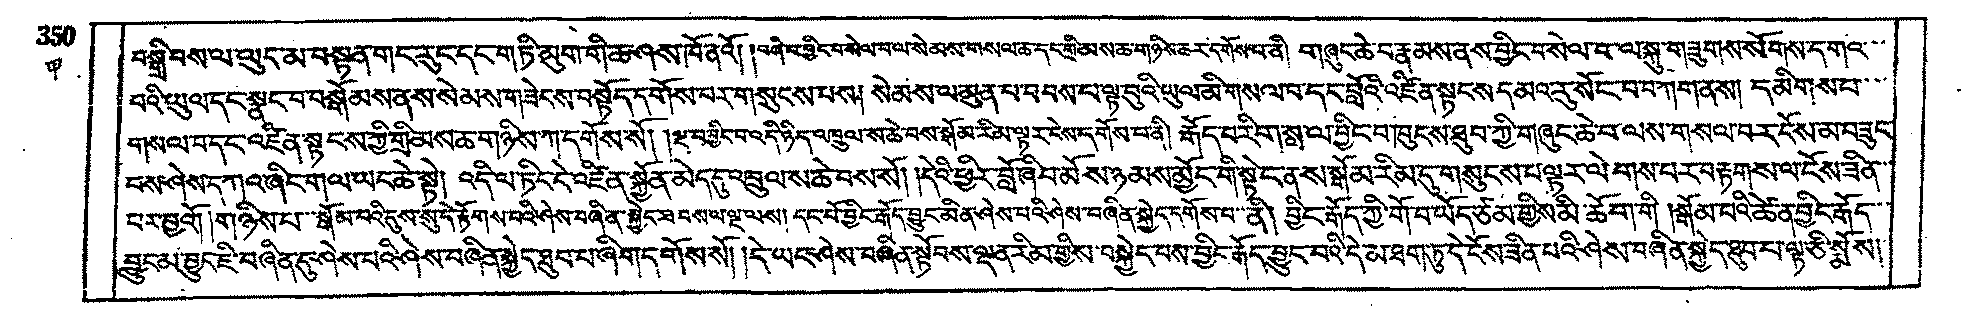བསྒྲིབས་ལ་ལུང་མ་བསྟན་གང་རུང་དང་གཏི་མུག་གི་ཆ་ཤས་ཁོ་ནའོ། །བཞི་པ་བྱིང་བ་སེལ་བ་ལ་སེམས་གསལ་ཆ་དང་གྲིམས་ཆ་གཉིས་ཆར་དགོས་པ་ནི།  གཞུང་ཆེ་བ་རྣམས་ནས་བྱིང་བ་སེལ་བ་ལ་སྐུ་གཟུགས་སོགས་དགའ་
བའི་ཡུལ་དང་སྣང་བ་བསྒོམས་ནས་སེམས་གཟེངས་བསྟོད་དགོས་པར་གསུངས་པས། སེམས་ལ་མུན་པ་བབས་པ་ལྟ་བུའི་ཡུལ་མི་གསལ་བ་དང་བློའི་འཛིན་སྟངས་དམའ་རུ་སོང་བ་བཀག་ནས། དམིགས་པ་
གསལ་བ་དང་འཛིན་སྟངས་ཀྱི་གྲིམས་ཆ་གཉིས་ཀ་དགོས་སོ། །ལྔ་པ་བྱིང་བ་འདི་ཉིད་འཁྲུལ་ས་ཆེ་བས་སྒོམ་རིམ་ལྟར་ངེས་དགོས་པ་ནི།  རྒོད་པ་རིག་སླ་ལ་བྱིང་བ་ཁུངས་ཐུབ་ཀྱི་གཞུང་ཆེ་བ་ལས་གསལ་བར་ངོས་མ་བཟུང་
བས་ཤེས་དཀའ་ཞིང་གལ་ཡང་ཆེ་སྟེ། འདི་ལ་ཏིང་ངེ་འཛིན་སྐྱོན་མེད་དུ་འཁྲུལ་ས་ཆེ་བས་སོ། །དེའི་ཕྱིར་བློ་ཞིབ་མོས་ཉམས་མྱོང་གི་སྟེང་ནས་སྒོམ་རིམ་དུ་གསུངས་པ་ལྟར་ལེགས་པར་བརྟགས་ལ་ངོས་ཟིན་
པར་བྱའོ། །གཉིས་པསྒོམ་པའི་དུས་སུ་དེ་རྟོགས་པའི་ཤེས་བཞིན་སྐྱེང་ཐབས་ལ་ལྔ་ལས། དང་པོ་བྱིང་རྒོད་བྱུང་མིན་ཤེས་པའི་ཤེས་བཞིན་སྐྱེད་དགོས་པ་ནི། བྱིང་རྒོད་ཀྱི་གོ་བ་ཡོད་ཙམ་གྱིས་མི་ཆོག་གི། །སྒོམ་པའི་ཚེ་ན་བྱིང་རྒོད་
བྱུང་མ་བྱུང་ཇི་བཞིན་དུ་ཤེས་པའི་ཤེས་བཞིན་སྐྱེད་ཐུབ་པ་ཞིག་དགོས་སོ། །དེ་ཡང་ཤེས་བཞིན་སྟོབས་ལྡན་རིམ་གྱིས་བསྐྱེད་པས་བྱིང་རྒོད་བྱུང་བའི་དེ་མ་ཐག་ཏུ་དེ་ངོས་ཟིན་པའི་ཤེས་བཞིན་སྐྱེད་ཐུབ་པ་ལྟ་ཅི་སྨོས།